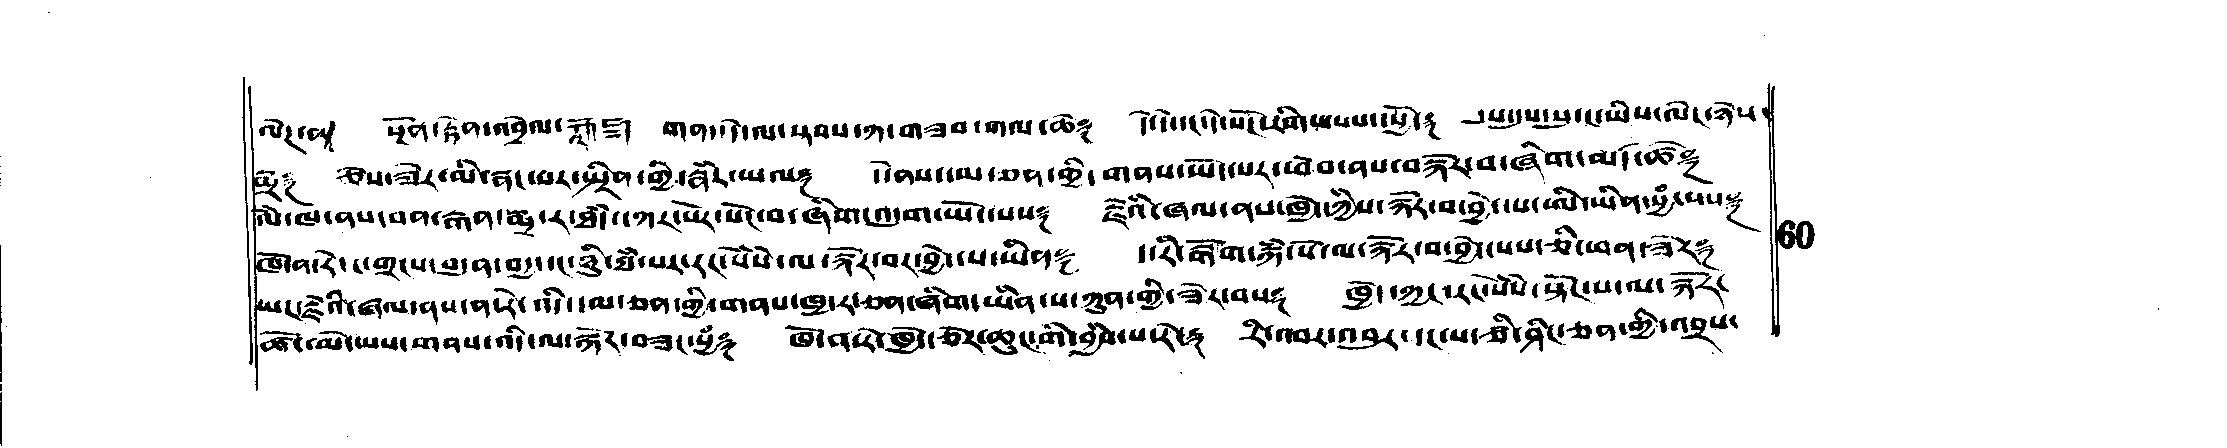ལེགས་ན། སྔོན་རྟེན་འབྲེལ། །གནད་དེ་ལ་སྟབས་ཀ་གཟབ་གལ་ཆེ། །དེ་དེ་དང་དེ་སོགས་རིགས་པས་དཔྱོད། །དུས་དུས་སུ་ང་ཡིས་ལེགས་ཉེས་
སྨྲ། ཞེས་ཟེར་མི་སྣང་བར་སྤྲིན་གྱི་རྣམ་པར་ཡལ། དེ་ནས་དམ་ཅན་གྱི་གནས་ཡོད་སར་ཕེབས་ནས་བསྐོར་བ་ཞིག་མཛད་ཚེ། 
ལམ་ཁ་ནས་བན་རྒན་སྨྲ་ར་ཐམས་ཅད་དཀར་པོར་སོང་བ་ཞིག་འདུག་ཡོད་པས། རྗེའི་ཞལ་ནས་ཁྱེད་ཀྱིས་སྐོར་བ་བྱེད་པ་ཨི་ཡིན་གསུངས་པས། 
ཁོ་ན་རེ་ང་གྲངས་བདུན་བརྒྱ་དང་ཉི་ཤུ་ཐམ་པར་རང་སེམས་ལ་སྐོར་བར་བྱེད་པ་ཡིན། ད་རིག་སྒོག་སྐམ་པོ་ལ་སྐོར་བ་བྱེད་པས་ཅི་ཕན་ཟེར། 
ཡང་རྗེའི་ཞལ་ནས་ན་རེ་འདི་དམ་ཅན་གྱི་གནས་ཁྱད་པར་ཅན་ཞིག་ཡིན་པ་ཀུན་གྱི་ཟེར་བས། ཁྱོད་ཀྱང་རང་སེམས་སྟོང་པ་ལ་སྐོར་
ཚོད་མེད་པས་གནས་འདི་ལ་སྐོར་བ་བཟང་གསུང་། ཁོ་ན་རེ་ཁྱེད་ཅོལ་ཆུང་གི་བྱིས་པ་རེད། རི་འབར་འབུར་དང་ས་རྩི་ཤིང་ཅན་གྱི་འབྲས་